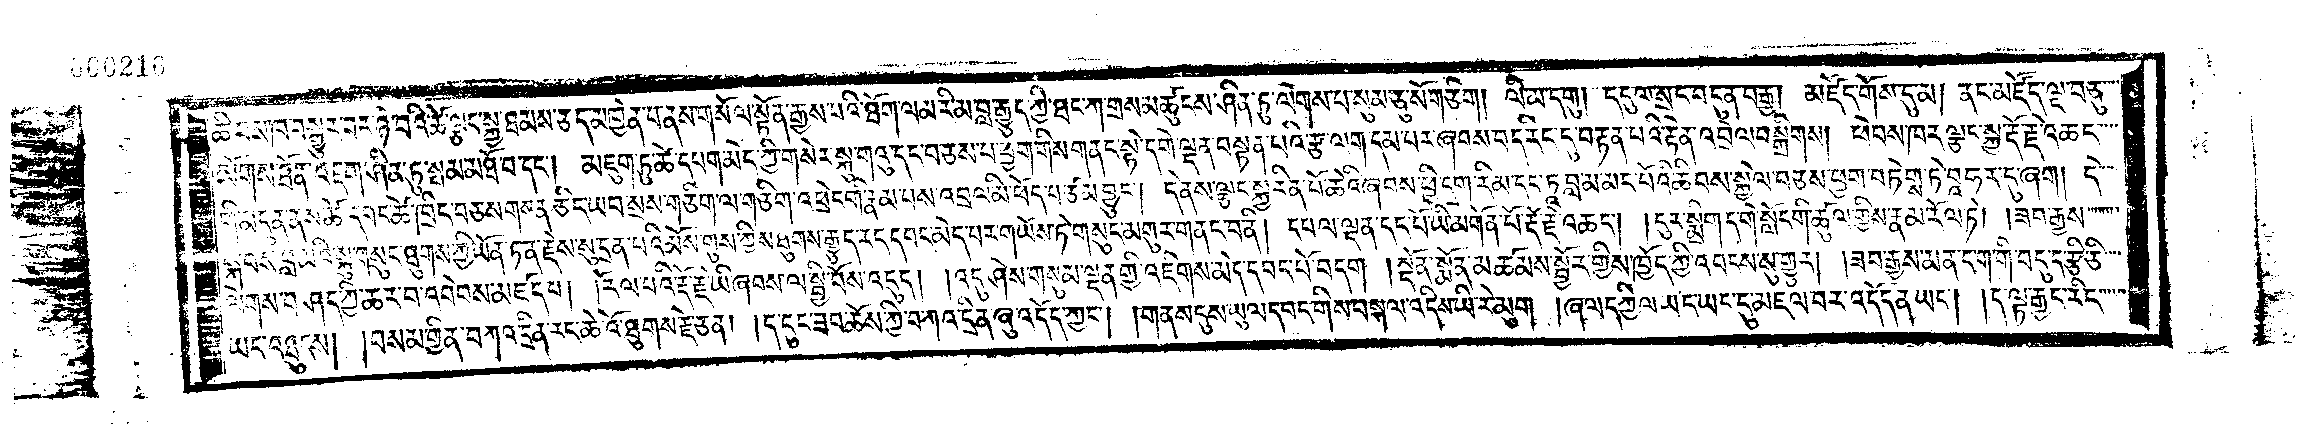ཆིབས་ཁ་བསྒྱུར་བར་ཉེ་བའི་ཚེ་ལྕང་སྐྱ་ཐམས་ཅད་མཁྱེན་པ་ནས་གསོལ་སྟོན་རྒྱས་པའི་ཐོག་ལམ་རིམ་བླ་རྒྱུད་ཀྱི་ཐང་ཀ་གྲས་མཚུངས་ཤིན་ཏུ་ལེགས་པ་སུམ་ཅུ་སོ་གཅིག། ལི་མ་དགུ། དངུལ་སྲད་བདུན་བརྒྱ། མཛོད་དགོས་དུ་མ། ནང་མཛོད་ལྔ་བཅུ་
སོགས་ཐོན་འཇག་ཤིན་ཏུ་སྤམ་མཐོ་བ་དང་། མཇུག་ཏུ་ཚེ་དཔག་མེད་ཀྱི་གསེར་སྐུ་གའུ་དང་བཅས་པ་ཕྱག་གིས་གནང་སྟེ་དགེ་ལྡན་བསྟན་པའི་རྩ་ལག་དམ་པར་ཞབས་པད་རིང་དུ་བརྟན་པའི་རྟེན་འབྲེལ་བསྒྲིགས། ཕེབས་ཁར་ལྕང་སྐྱ་རྡོ་རྗེ་འཆང་
གི་མདུན་ནས་ཚེ་དབང་ཚེ་ཁྲིད་བཅས་གསན་ཅིང་ཡབ་སྲས་གཅིག་ལ་གཅིག་འཕྲེང་གི་རྣམ་པས་འབྲལ་མི་ཕོད་པ་ཙམ་བྱུང་། དེ་ནས་ལྕང་སྐྱ་རིན་པོ་ཆེའི་ཞབས་ཕྱི་དྲག་རིམ་དང་ཏཱ་བླ་མ་མང་པོའི་ཆིབས་སྐྱེལ་བཅས་ཕྱག་བཏེགས་ཏེ་བཱ་ཧར་དུ་ཞག། དེ་
སྐབས་བླ་མའི་སྐུ་གསུང་ཐུགས་ཀྱི་ཡོན་ཏན་རྗེས་སུ་དྲན་པའི་མོས་གུས་ཀྱིས་ཐུགས་རྒྱུད་རང་དབང་མེད་པར་གཡོས་ཏེ་གསུང་མགུར་གནང་བ་ནི། དཔལ་ལྡན་དང་པོ་ཡི་མགོན་པོ་རྡོ་རྗེ་འཆང་། །དུར་སྨྲིག་དགེ་སློང་གི་ཚུལ་གྱིས་རྣམ་རོལ་ཏེ། །ཟབ་རྒྱས་
ལེགས་བཤད་ཀྱི་ཆར་བ་འབེབས་མཛད་པ། །རོལ་པའི་རྡོ་རྗེ་ཡི་ཞབས་ལ་སྤྱི་བོས་འདུད། །འདུ་ཤེས་གསུམ་ལྡན་གྱི་འཇིགས་མེད་དབང་པོ་བདག །སྔོན་སྨོན་མཚམས་སྤྱོར་གྱིས་ཁྱོད་ཀྱི་འབངས་སུ་གྱུར། །ཟབ་རྒྱས་མན་དག་གི་བདུད་རྩི་ཅི་
ཡང་འཐུངས། །བསམ་གྱིན་བཀའ་དྲིན་རང་ཆེ་འོ་ཐུགས་རྗེ་ཅན། །ད་དུང་ཟབ་ཆོས་ཀྱི་བཀའ་དྲིན་ཞུ་འདོད་ཀྱང་། །གནས་དུས་ཡུལ་དབང་གིས་བསྐལ་འདིས་ཡི་རེ་མུག །ཞལ་དཀྱིལ་ཡང་ཡང་དུ་མཇལ་བར་འདོད་ན་ཡང་། །ད་ལྟ་རྒྱད་རིང་